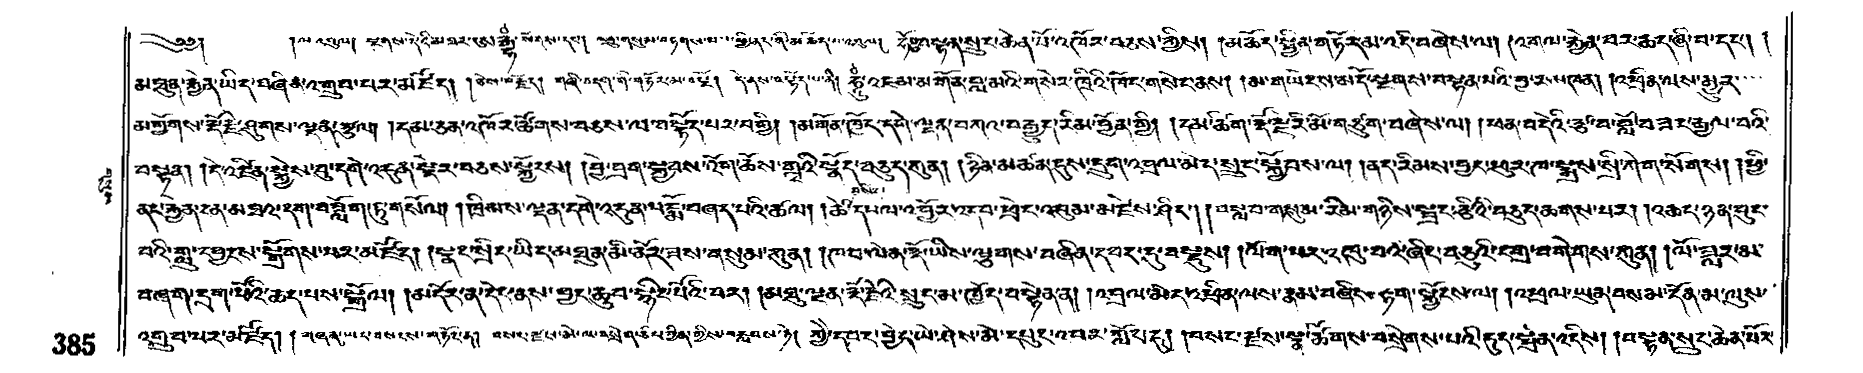༄༅། །ལ་འབུལ། སྔགས་དེའི་མཐར་ཨརྒྷཾ་སོགས་དང་། གསུམ་བཏགས་པ་ཕྱི་ནང་གི་མཆོད་པ་འབུལ།  ཧོཿ བསྟན་སྲུང་ཆེན་པོ་འཁོར་བཅས་ཀྱིས། །མཆོད་སྦྱིན་གཏོར་མ་འདི་བཞེས་ལ། །འགལ་རྐྱེན་བར་ཆད་ཞི་བ་དང་། །
མཐུན་རྐྱེན་ཡིད་བཞིན་འགྲུབ་པར་མཛོད། །ཅེས་བརྗོད། གཞི་བདག་གི་གཏོར་མ་བསྔོ། དེ་ནས་བསྟོད་པ་ནི།  ཧཱུཾ་འཇམ་མགོན་བླ་མའི་གསེར་ཁྲིའི་ཁོང་གསེང་ནས། །མ་གཡེངས་མདོ་སྔགས་བསྟན་པའི་བྱ་ར་མཁན། །འཕྲིན་ལས་མྱུར་
མགྱོགས་རྡོ་རྗེ་ཤུགས་ལྡན་རྩལ། །དམ་ཅན་འཁོར་ཚོགས་བཅས་ལ་བསྟོད་པར་བགྱི། །མགོན་ཁྱོད་དགེ་ལྡན་བཀའ་བརྒྱུད་རིམ་བྱོན་གྱི། །དམ་ཚིག་རྡོ་རྗེ་རི་མོ་གཙུག་བཞེས་ལ། །ཕན་བདེའི་རྩ་བ་བློ་བཟང་རྒྱལ་བའི་
བསྟན། །དེ་འཛིན་སྐྱེས་བུ་དགེ་འདུན་སྡེར་བཅས་སྐྱོངས། །བྱེ་བྲག་སྐྱབས་འོག་ཆོས་གྲྭའི་སྣོད་བཅུད་ཀུན། །ཉིན་མཚན་དུས་དྲུག་འབྲལ་མེད་སྲུང་སྐྱོབས་ལ། །ནད་རིམས་བྱང་ཕུར་ཁ་སྒྲས་སྲི་ཀེག་སོགས། །ཕྱི་
ནང་རྐྱེན་ངན་མཐའ་དག་བཟློག་ཏུ་གསོལ། །ཁྲིམས་ལྡན་དགེ་འདུན་པདམོ་བཟད་པའི་ཚལ། །ཚེ་བསོད་དཔལ་འབྱོར་འདབ་ཕྲེང་འབུམ་མཛེས་ཤིང་། །བསླབ་གསུམ་རིམ་གཉིས་སྦྲང་རྩིའི་བཅུད་ཆགས་པར། །འཆད་ཉན་བུང་
བའི་གླུ་དབྱངས་སྒྲོགས་པར་མཛོད། །སྣང་སྲིད་ཡིད་མཐུན་མི་ནོར་ཟས་གསུམ་ཀུན། །ཁ་བ་ལེན་རྡོ་ཡིས་ལྕགས་བཞིན་དབང་དུ་བསྡུས། །ལོག་པར་འཁུ་བའི་ཞིང་བཅུ་དགྲ་བགེགས་ཀུན། །ལོ་ཟླར་མ་
བཞག་དྲག་པོའི་ཆད་པས་སྒྲོལ། །མདོར་ན་དེང་ནས་བྱང་ཆུབ་སྙིང་པོའི་བར། །མཐུ་ལྡན་རྡོ་རྗེའི་སྲུང་མ་ཁྱོད་བསྟེན་ན། །འབྲལ་མེད་འཕྲིན་ལས་རྣམ་བཞིང་རྟག་སྐྱོངས་ལ། འཕྲལ་ཡུན་བསམ་དོན་མ་ལུས་
འགྲུབ་པར་མཛོད། །གཞན་ཡང་བསངས་གཏོང་ན། །བསང་རྫས་མེ་ལ་བསྲེག་ཙང་ཀྱིན་གྱིས་བརླབས་ཏེ།  ཀྱཻ་དབང་བྱེད་ཡེ་ཤེས་མེ་དཔུང་འབར་སློང་དུ། །བསང་རྫས་སྣ་ཚོགས་བསྲེགས་པའི་དུད་སྤྲེན་འདིས། །བསྟན་སྲུང་ཆེན་པོར་